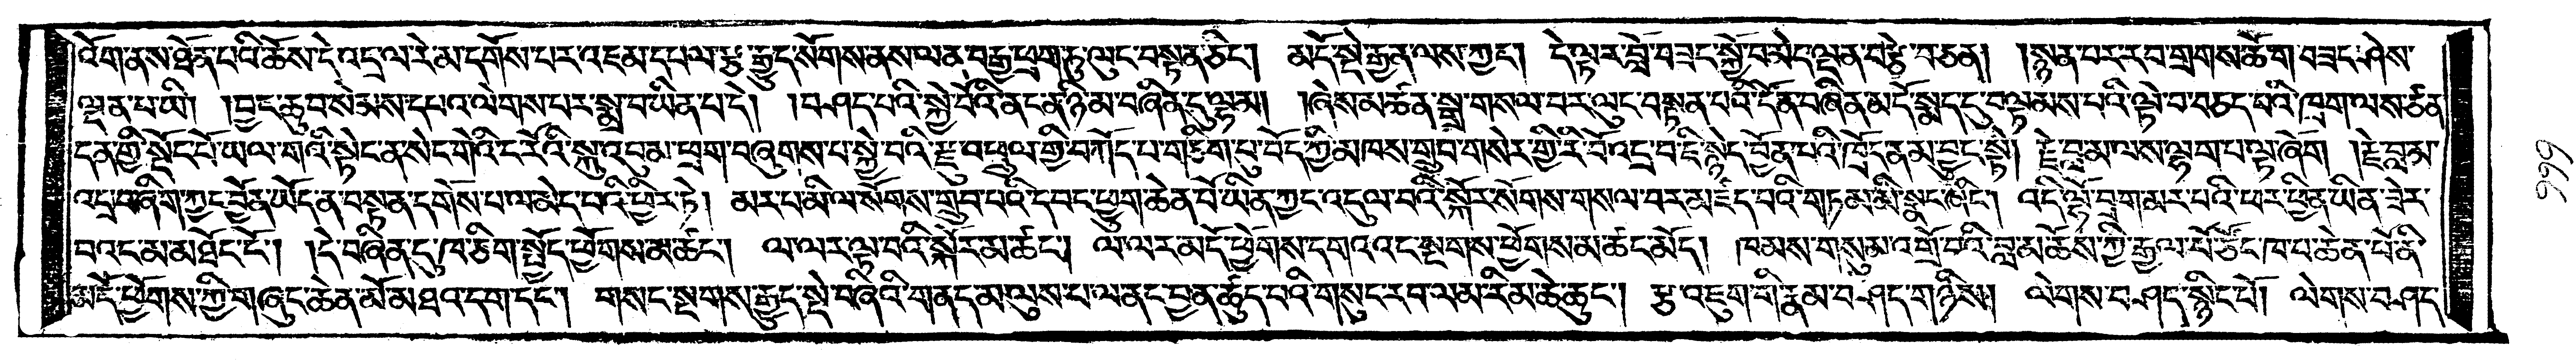འོག་ནས་ཐོན་པའི་ཆོས་དེ་འདྲ་ལ་རེ་མ་དགོས་པར་འཇམ་དཔལ་རྩ་རྒྱུད་སོགས་ནས་ལན་བརྒྱ་ཕྲག་ཏུ་ལུང་བསྟན་ཅིང་། མདོ་སྡེ་རྒྱན་ལས་ཀྱང་། དེ་ལྟར་བློ་བཟང་སྐྱོ་བ་མེད་ལྡན་བརྩེ་བ་ཅན། །སྙན་བར་རབ་གྲགས་ཆོ་ག་བཟང་ཤེས་
ལྡན་པ་ཡི། །བྱང་ཆུབ་སེམས་དཔའ་ལེགས་པར་སྨྲ་བ་ཡིན་པ་དེ། །བཤད་པའི་སྐྱེ་བོའི་ནང་ན་ཉི་མ་བཞིན་དུ་ལྷམ། ཞེས་མཚན་སྒྲ་གསལ་བར་ལུང་བསྟན་པའི་དོན་བཞིན་མདོ་སྨད་དུ་བལྟམས་པའི་ལྟེ་བ་བཅད་པའི་ཁྲག་ལས་ཙན་
དན་གྱི་སྡོང་པོ་ཡལ་གའི་སྟེང་ན་སེང་གེའི་ང་རོའི་སྐུ་འབུམ་ཕྲག་བཞུགས་པ་སྐྱེ་བའི་རྫུ་འཕྲུལ་གྱི་བཀོད་པ་གཅིག་པུ་བོད་ཀྱི་མཁས་གྲུབ་གསེར་གྱི་རི་བོ་འདྲ་བ་ཇི་སྙེད་བྱོན་པའི་ཁྲོད་ན་མ་བྱུང་སྟེ། རྗེ་བླ་མ་ལས་ལྷག་པ་ལྟ་ཞོག །རྗེ་བླ་མ་
འདྲ་བ་ཞིག་ཀྱང་བྱོན་ཡོད་ན་བསྟན་དགོས་པ་ལ་མེད་པའི་ཕྱིར་ཏེ། མར་པ་མི་ལ་སོགས་གྲུབ་པའི་དབང་ཕྱུག་ཆེན་པོ་ཡིན་ཀྱང་འདུལ་བའི་སྐོར་སོགས་གསལ་བར་མཛད་པའི་གཏམ་མི་སྣང་ཞིང་། འདི་ལྷོ་བྲག་མར་པའི་ཕར་ཕྱིན་ཡིན་ཟེར་
བའང་མ་མཐོང་ངོ། །དེ་བཞིན་དུ་ཁ་ཅིག་སྤྱོད་ཕྱོགས་མ་ཚང་། ལ་ལར་ལྟ་བའི་སྐོར་མ་ཚང་། ལ་ལར་མདོ་ཕྱོགས་དགའ་འང་སྔགས་ཕྱོགས་མ་ཚང་མོད། ཁམས་གསུམ་འགྲོ་བའི་བླ་མ་ཆོས་ཀྱི་རྒྱལ་པོ་ཙོང་ཁ་པ་ཆེན་པོ་ནི་
མདོ་ཕྱོགས་ཀྱི་གཞུང་ཆེན་མོ་མཐའ་དག་དང་། གསང་སྔགས་རྒྱུད་སྡེ་བཞིའི་གནད་མ་ལུས་པ་ལ་ནང་བྱན་ཚུད་པའི་གསུང་རབ་ལམ་རིམ་ཆེ་ཆུང་། རྩ་འཇུག་གི་རྣམ་བཤད་གཉིས། ལེགས་བཤད་སྙིང་པོ། ལེགས་བཤད་